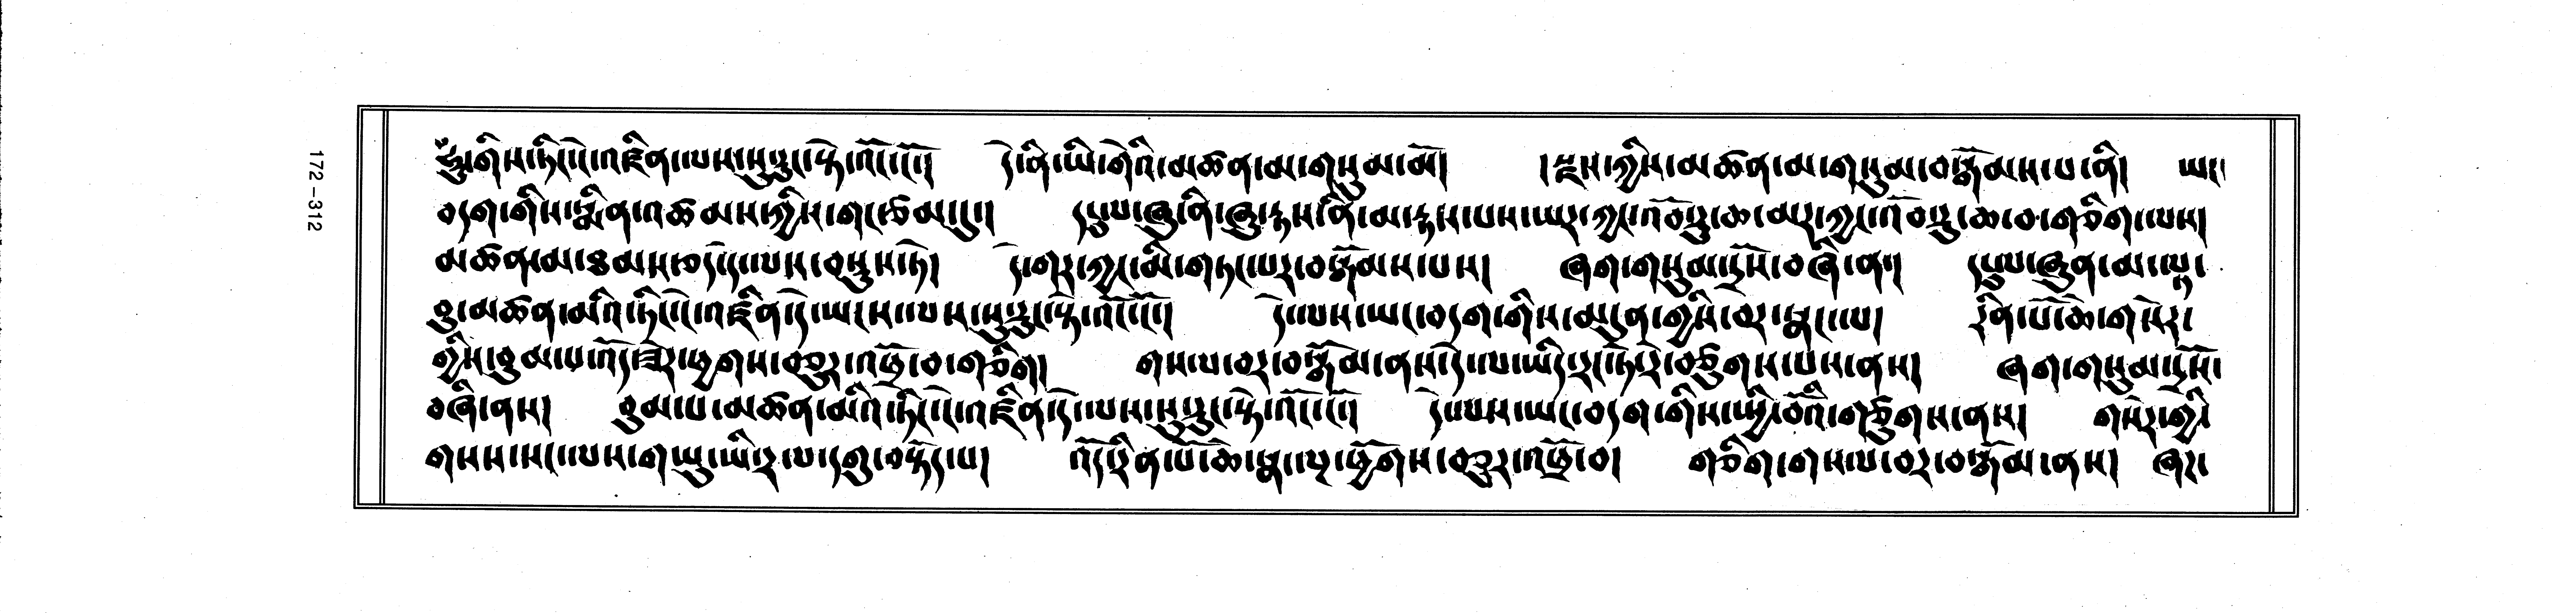ཧཱུྃ་གིས་ཏིང་ངེ་འཛིན་ལས་སུ་རུང་སྟེ་འོང་ངོ་། དེ་ནི་ཡི་གེའི་མཚན་མ་གསུམ་མོ། རྫས་ཀྱིས་མཚན་མ་གསུམ་བསྒོམས་པ་ནི། ཡང་
བདག་གིས་སྨིན་འཚམས་ཀྱིས་གང་ཙམ་དུ། དངུལ་ཞུ་ནི་ཞུ་རྟས་ནི་མ་རྟས་པས་ཡར་ཀྱང་འོབ་རུ་ཆ་མར་ཀྱང་འོབ་རུ་ཆ་བ་གཅིག་ལས། 
མཚན་མ་ཐམས་ཅད་དེ་ལས་བསྡུས་ཏེ། དེ་གར་ཀྱང་མི་གཏང་པར་བསྒོམས་པས། ཞག་གསུམ་དྲོས་བཞི་ན། དངུལ་ཞུན་མ་ལྟ་
བུ་མཚན་མའི་ཏིང་ངེ་འཛིན་དེ་ཡང་ལས་སུ་རུང་སྟེ་འོང་ངོ་། དེ་ལས་ཡང་བདག་གིས་མདུན་གྱིས་བར་སྣང་ལ། རིན་པོ་ཆེ་གསེར་
གྱིས་བུམ་པ་འོད་ཟེར་ཕྱོགས་བཅུར་འཕྲོ་བ་གཅིག གསལ་བར་བསྒོམ་ནས་དེ་ལ་ཡིད་རང་ཏེ་རེ་བཙུགས་པས་ནས། ཞག་གསུམ་དྲོས་
བཞི་ནས། བུམ་པ་མཚན་མའི་ཏིང་ངེ་འཛིན་དེ་ལས་སུ་རུང་སྟེ་འོང་ངོ་། དེ་ལས་ཡང་བདག་གིས་སྤྱི་བོའི་གཙུགས་ནས། གསེར་གྱི་
གསས་སང་ལས་གཡུ་ཡི་རལ་དགུ་བསྟོད་པ། འོད་རིན་པོ་ཆེ་སྣ་ལྔ་ཕྱོགས་བཅུར་འཕྲོ་བ། གཅིག་གསལ་བར་བསྒོམ་ནས། ཞགས་